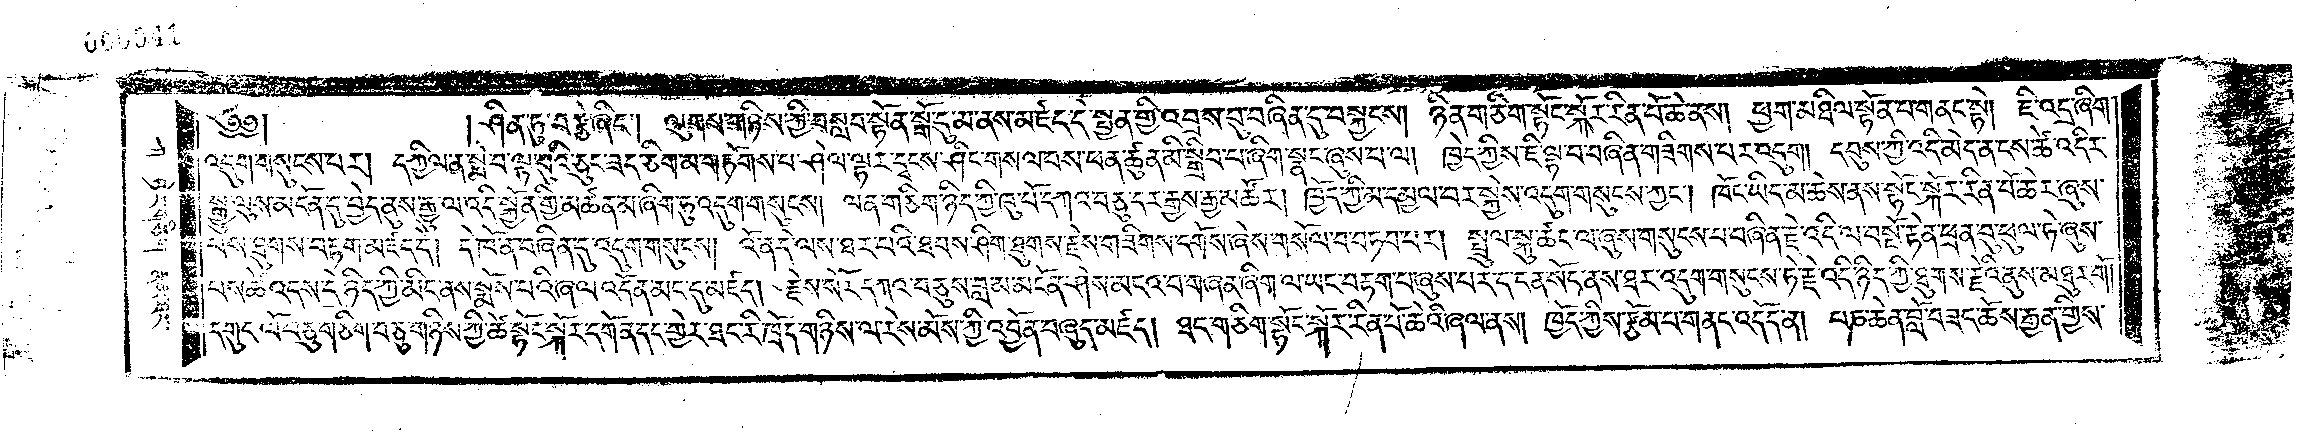༄༅། །ཤིན་ཏུ་བརྩེ་ཞིང་། ལུགས་གཉིས་ཀྱི་བསླབ་སྟོན་སྒོ་དུ་མ་ནས་མཛད་དེ་སྤྱན་གྱི་འབྲས་བུ་བཞིན་དུ་བསྐྱངས། ཉིན་གཅིག་སྟོང་སྐོར་རིན་པོ་ཆེ་ནས། ཕྱག་མཐིལ་སྟོན་པ་གནང་སྟེ། ཇི་འདྲ་ཞིག་
འདུག་གསུངས་པར། དཀྱིལ་ན་སྨེ་བ་ལྟ་བུའི་ཅུང་ཟད་ཅིག་མ་གཏོགས་པ་ཤེལ་ལྟར་དྭངས་ཤིང་གསལ་བས་ཕན་ཚུན་མི་སྒྲིབ་པ་ཞིག་སྣང་ཞུས་པ་ལ། ཁྱེད་ཀྱིས་ཇི་ལྟ་བ་བཞིན་གཟིགས་པར་འདུག། དབུས་ཀྱི་འདི་མེད་ན་ངས་ཚེ་འདིར་
སྒྱུ་ལུས་མངོན་དུ་བྱེད་ནུས་རྒྱུ་ལ་འདི་སྐྱོན་གྱི་མཚན་མ་ཞིག་ཏུ་འདུག་གསུངས། ལན་གཅིག་ཉིད་ཀྱི་ཁུ་པོ་དཀའ་བཅུ་དར་རྒྱས་རྒྱ་མཚོར། ཁྱོད་ཀྱི་མ་དམྱལ་བར་སྐྱེས་འདུག་གསུངས་ཀྱང་། ཁོང་ཡིད་མ་ཆེས་ནས་སྟོང་སྐོར་རིན་པོ་ཆེར་ཞུས་
པས་ཐུགས་བརྟག་མཛད་དེ། དེ་ཁོ་ན་བཞིན་དུ་འདུག་གསུངས། འོ་ན་དེ་ལས་ཐར་པའི་ཐབས་ཤིག་ཐུགས་རྗེས་གཟིགས་དགོས་ཞེས་གསོལ་བ་བཏབ་པར། སྤྲུལ་སྐུ་ཚང་ལ་ཞུས་གསུངས་པ་བཞིན་རྗེ་འདི་ལ་བསྔོ་རྟེན་ཕྲན་བུ་ཕུལ་ཏེ་ཞུས་
པས་ཚེ་འདས་དེ་ཉིད་ཀྱི་མིང་ནས་སྨོས་པའི་ཞལ་འདོན་མང་དུ་མཛད། རྗེས་སོར་དཀའ་བཅུས་བླ་མ་མངོན་ཤེས་མངའ་བ་གཞན་ཞིག་ལ་ཡང་བརྟག་པ་ཞུས་པར་ད་ངན་སོང་ནས་ཐར་འདུག་གསུངས་ཏེ་རྗེ་འདི་ཉིད་ཀྱི་ཐུགས་རྗེའི་ནུས་མཐུར་གོ།
དགུང་ལོ་བཅུ་གཅིག་བཅུ་གཉིས་ཀྱི་ཚེ་སྟོང་སྐོར་དགོན་དང་གྱེར་ཐང་རི་ཁྲོད་གཉིས་ལ་རེས་མོས་ཀྱི་འབྱོན་བཞུད་མཛད། ཐང་གཅིག་སྟོང་སྐོར་རིན་པོ་ཆེའི་ཞལ་ནས། ཁྱོད་ཀྱིས་རྩོམ་པ་གནང་འདོད་ན། པཎ་ཆེན་བློ་བཟང་ཆོས་རྒྱན་གྱིས་